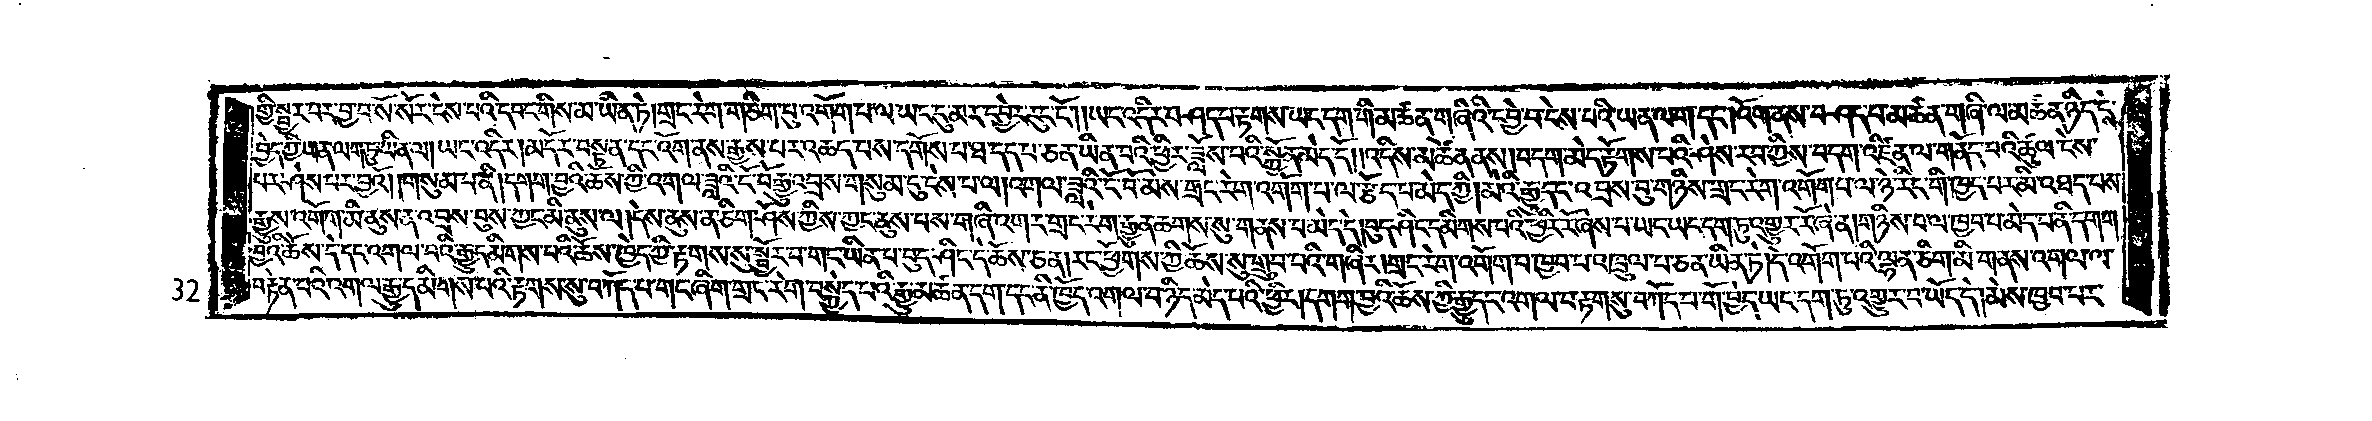གྱི་སྦྱར་བར་བྱ་བ་སོ་སོར་ངེས་པའི་དབང་གིས་མ་ཡིན་ཏེ། གྲང་རེག་གཅིག་པུ་འགོག་པ་ལ་ཡང་དུ་མར་དབྱེར་རུང་ངོ། །ཡང་འདིར་བཤད་པ་རྟགས་ཡང་དག་གི་མཚན་གཞིའི་དབྱེ་བ་ངེས་པའི་ཡན་ལག་དང་། འོག་ནས་བཤད་པ་མཚན་གཞི་ལ་མཚན་ཉིད་ངེས་
བྱེད་ཀྱི་ཡན་ལག་ཏུ་ཡིན་ལ། ཡང་འདིར། མདོར་བསྟན་དང་འོག་ནས་རྒྱས་པར་འཆད་པས་དགོས་པ་ཐ་དད་པ་ཅན་ཡིན་པའི་ཕྱིར་ཟློས་པའི་སྐྱོན་མེད་དོ། །འདིས་མཚེན་ནས། བདག་མེད་རྟོགས་པའི་ཤེས་རབ་ཀྱིས་བདག་འཛིན་ལ་གནོད་པའི་ཚུལ་ངེས་
པར་ཤེས་པར་བྱའོ། །གསུམ་པ་ནི། དགག་བྱའི་ཆོས་ཀྱི་འགལ་ཟླའི་ངོ་བོ་རྒྱུ་འབྲས་གསུམ་དུ་ངེས་པ་ལ། འགལ་ཟླའི་ངོ་བོ་མེས་གྲང་རེག་འགོག་པ་ལ་རྩོད་པ་མེད་ཀྱི། མེའི་རྒྱུ་དང་འབྲས་བུ་གཉིས་གྲང་རེག་འགོག་པ་ལ་ཉེ་རིང་གི་ཁྱད་པར་མི་འཐད་པས་
རྒྱུས་འགོག་མི་ནུས་ན་འབྲས་བུས་ཀྱང་མི་ནུས་ལ། དེས་ནུས་ན་ཅིག་ཤོས་ཀྱིས་ཀྱང་ནུས་པས་གཞི་འགར་གྲང་རེག་རྒྱུན་ཆགས་སུ་གནས་པ་མེད་དེ་བུད་ཤིང་དམིགས་པའི་ཕྱིར་རོ་ཞེས་པ་ཡང་ཡང་དག་ཏུ་འགྱུར་རོ་ཞེ་ན། གཉིས་བ་ལ་ཁྱབ་པ་མེད་པ་ནི་དགག་
བྱའི་?་ཆོས་དེ་དང་འགལ་བའི་རྒྱུ་དམིགས་པའི་ཆོས་ཁྱེད་ཀྱི་རྟགས་སུ་སྦྱོར་བ་གང་ཡིན་པ་བུད་ཤིང་དེ་ཆོས་ཅན། རང་ཕྱོགས་ཀྱི་ཆོས་སུ་གྲུབ་པའི་གཞིར། གྲང་རེག་འགོག་པ་ཁྱབ་པ་འཁྲུལ་པ་ཅན་ཡིན་ཏེ། དེ་འགོག་པའི་ལྷན་ཅིག་མི་གནས་འགལ་ལ་
བརྟེན་པའི་འགལ་རྒྱུ་དམིགས་པའི་རྟགས་སུ་བཀོད་པ་གང་ཞིག་གྲང་རིག་བསྐྱེད་པའི་རྒྱུ་མཚན་དག་དང་ནི་ཁྱོད་འགལ་བ་ཉིད་མེད་པའི་ཕྱིར། དགག་བྱའི་ཆོས་ཀྱི་རྒྱུ་དང་འགལ་བརྟགས་སུ་བཀོད་པ་གོ་བྱེད་ཡང་དག་ཏུ་འགྱུར་བ་ཡོད་དེ། མེས་ཁྱབ་པར་